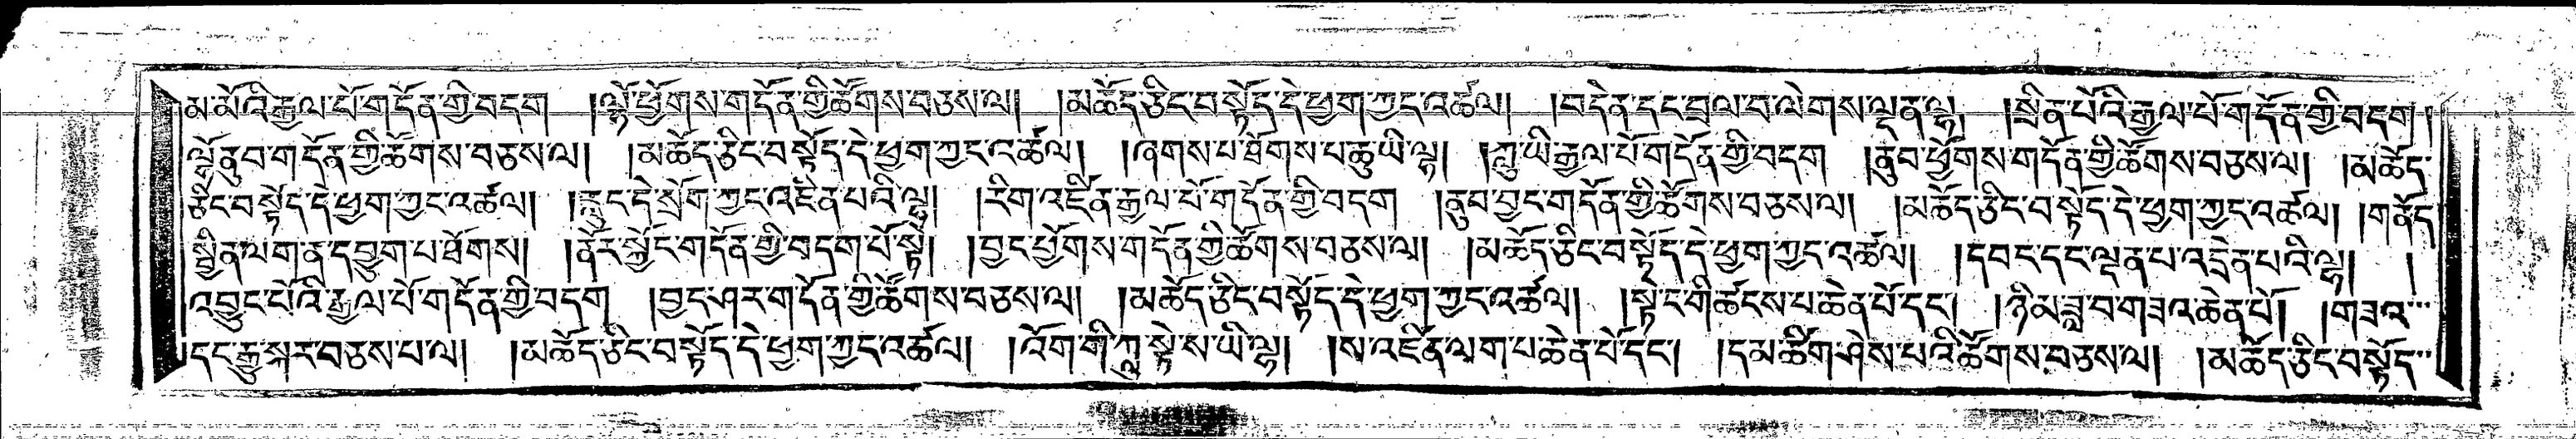མ་མོའི་རྒྱལ་པོ་གདོན་གྱི་བདག །ལྷོ་ཕྱོགས་གདོན་གྱི་ཚོགས་བཅས་ལ། །མཆོད་ཅིང་བསྟོད་དེ་ཕྱག་ཀྱང་འཚལ། །བདེན་དང་བྲལ་བ་ལེགས་ལྡན་ལྷ། །སྲིན་པོའི་རྒྱལ་པོ་གདོན་གྱི་བདག །
ལྷོ་ནུབ་གདོན་གྱི་ཚོགས་བཅས་ལ། །མཆོད་ཅིང་བསྟོད་དེ་ཕྱག་ཀྱང་འཚལ། །ཞགས་པ་ཐོགས་པ་ཆུ་ཡི་ལྷ། །ཀླུ་ཡི་རྒྱལ་པོ་གདོན་གྱི་བདག །ནུབ་ཕྱོགས་གདོན་གྱི་ཚོགས་བཅས་ལ། །མཆོད་
ཅིང་བསྟོད་དེ་ཕྱག་ཀྱང་འཚལ། །རླུང་དེ་སྲོག་ཀྱང་འཛིན་པའི་ལྷ། །རིག་འཛིན་རྒྱལ་པོ་གདོན་གྱི་བདག །ནུབ་བྱང་གདོན་གྱི་ཚོགས་བཅས་ལ། །མཆོད་ཅིང་བསྟོད་དེ་ཕྱག་ཀྱང་འཚལ། །གནོད་
སྦྱིན་ལག་ན་དབྱུག་པ་ཐོགས། །ནོར་སྐྱོང་གདོན་གྱི་བདག་པོ་སྟེ། །བྱང་ཕྱོགས་གདོན་གྱི་ཚོགས་བཅས་ལ། །མཆོད་ཅིང་བསྟོད་དེ་ཕྱག་ཀྱང་འཚལ། །དབང་དང་ལྡན་པ་འདྲེན་པའི་ལྷ། །
འབྱུང་པོའི་རྒྱལ་པོ་གདོན་གྱི་བདག །བྱང་ཤར་གདོན་གྱི་ཚོགས་བཅས་ལ། །མཆོད་ཅིང་བསྟོད་དེ་ཕྱག་ཀྱང་འཚལ། །སྟེ་ང་གི་ཚངས་པ་ཆེན་པོ་དང་། །ཉི་མ་ཟླ་བ་གཟའ་ཆེན་པོ། །གཟའ་
དང་རྒྱུ་སྐར་བཅས་པ་ལ། །མཆོད་ཅིང་བསྟོད་དེ་ཕྱག་ཀྱང་འཚལ། །འོག་གི་ཀླུ་སྟེ་ས་ཡི་ལྷ། །ས་འཛིན་ལག་པ་ཆེན་པོ་དང་། །དམ་ཚིག་ཤེས་པའི་ཚོགས་བཅས་ལ། །མཆོད་ཅིང་བསྟོད་